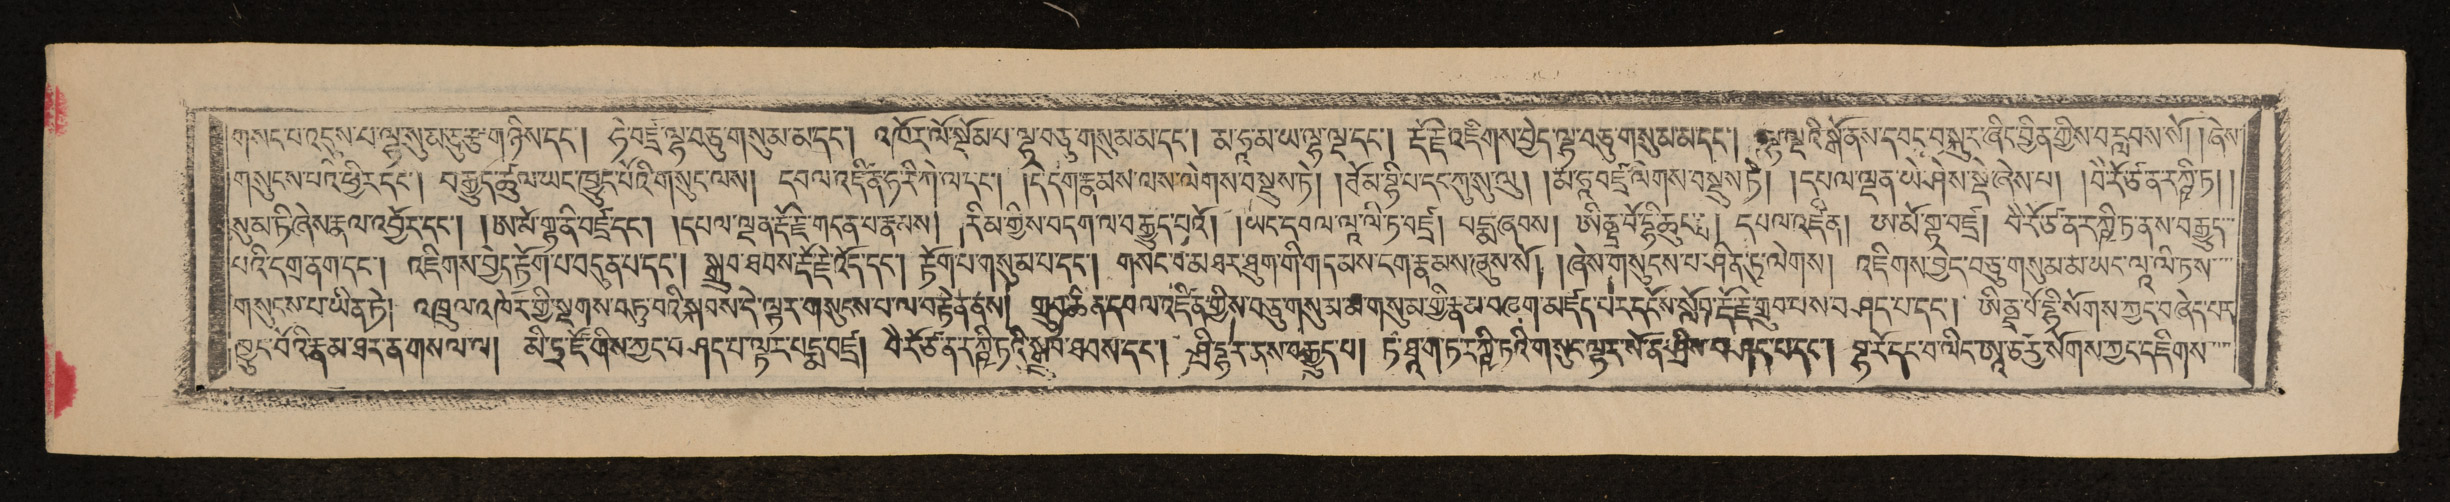གསང་བ་འདུས་པ་ལྷ་སུམ་ཅུ་རྩ་གཉིས་དང་། ཧེ་བཛྲ་ལྷ་བཅུ་གསུམ་མ་དང་། འཁོར་ལོ་སྡོམ་པ་ལྷ་བཅུ་གསུམ་མ་དང་། མཧཱ་མ་ཡ་ལྷ་ལྔ་དང་། རྡོ་རྗེ་འཇིགས་བྱེད་ལྷ་བཅུ་གསུམ་མ་དང་། ལྷ་ལྔའི་སྒོ་ནས་དབང་བསྐུར་ཞིང་བྱིན་གྱིས་བརླབས་སོ། །ཞེས་
གསུངས་པའི་ཕྱིར་དང་། བརྒྱུད་ཚུལ་ཡང་ཁྱུང་པོའི་གསུང་ལས། དཔལ་འཛིན་ཧ་རི་ཀེ་ལ་དང་། །དེ་དག་རྣམས་ལས་ལེགས་བསྡུས་ཏེ། །ཊོ་མབྷི་པ་དང་ཀུ་སུ་ལུ། །མཧཱ་བཛྲ་ལེགས་བསྡུས་ཏེ། །དཔལ་ལྡན་ཡེ་ཤེས་སྡེ་ཞེས་པ། །བཻ་རོ་ཙན་རཀྵིཏ། །
སུ་མྟི་ཞེས་རྣལ་འབྱོར་དང་། །ཨ་མོ་གྷ་ནི་བཛྲ་དང་། །དཔལ་ལྡན་རྡོ་རྗེ་གདན་པ་རྣམས། །རིམ་གྱིས་བདག་ལ་བརྒྱུད་པའོ། །ཡང་དཔལ་ལཱ་ལི་ཏ་བཛྲ། པདམ་ཞབས། ཨིནྡྲ་བོ་དྷི་ཆུང་བ། དཔལ་འཛིན། ཨ་མོ་བྷ་བཛྲ། བཻ་རོ་ཙན་རཀྵི་ཏ་ནས་བརྒྱུད་
བའི་དགྲ་ནག་དང་། འཇིགས་བྱེད་རྟོག་པ་བདུན་པ་དང་། སྒྲུབ་ཐབས་རྡོ་རྗེ་འོད་དང་། རྟོག་པ་གསུམ་པ་དང་། གསང་བ་མཐར་ཐུག་གི་དམས་ངག་རྣམས་ཞུས་སོ། །ཞེས་གསུངས་བཤིན་ཏུ་ལེགས། འཇིགས་བྱེད་བཅུ་གསུམ་མ་ཡང་ལཱ་ལིཏས་
གསུངས་པ་ཡིན་ཏེ། འཁྲུལ་འཁོར་གྱི་སྔགས་བཏུ་བའི་སྐབས་དེ་ལྟར་གསུངས་པ་ལ་བརྟེན་ནས། གྲུབ་ཆེན་དཔལ་འཛིན་གྱིས་བཅུ་གསུམ་མ་གསུམ་གྱི་རྣམ་བཞག་མཛད་པར་དངོས་སློབ་རྡོ་རྗེ་གྲུབ་པས་བཤད་པ་དང་། ཨིནྡྲ་བོ་དྷི་སོགས་ཀྱང་བཞེད་པར་
ཁྱུང་བོའི་རྣམ་ཐར་ན་གསལ་ལ། མིཏྲ་ཛོགས་ཀྱང་བཤད་པ་ལྟར་པདམ་བཛྲ། བཻ་རོ་ཙན་རཀྵི་ཏའི་སྒྲུབ་ཐབས་དང་། ཤྲི་དྷ་ར་ནས་བརྒྱུད་པ། ཏ་ཐཱ་བ་རཀྵི་ཏའི་གསུང་ལྟར་སོན་ཤྲིས་བཤད་པ་དང་། བྷ་རོ་དང་བ་ལིང་ཨཱ་ཙརྱ་སོགས་ཀྱང་འཇིགས་